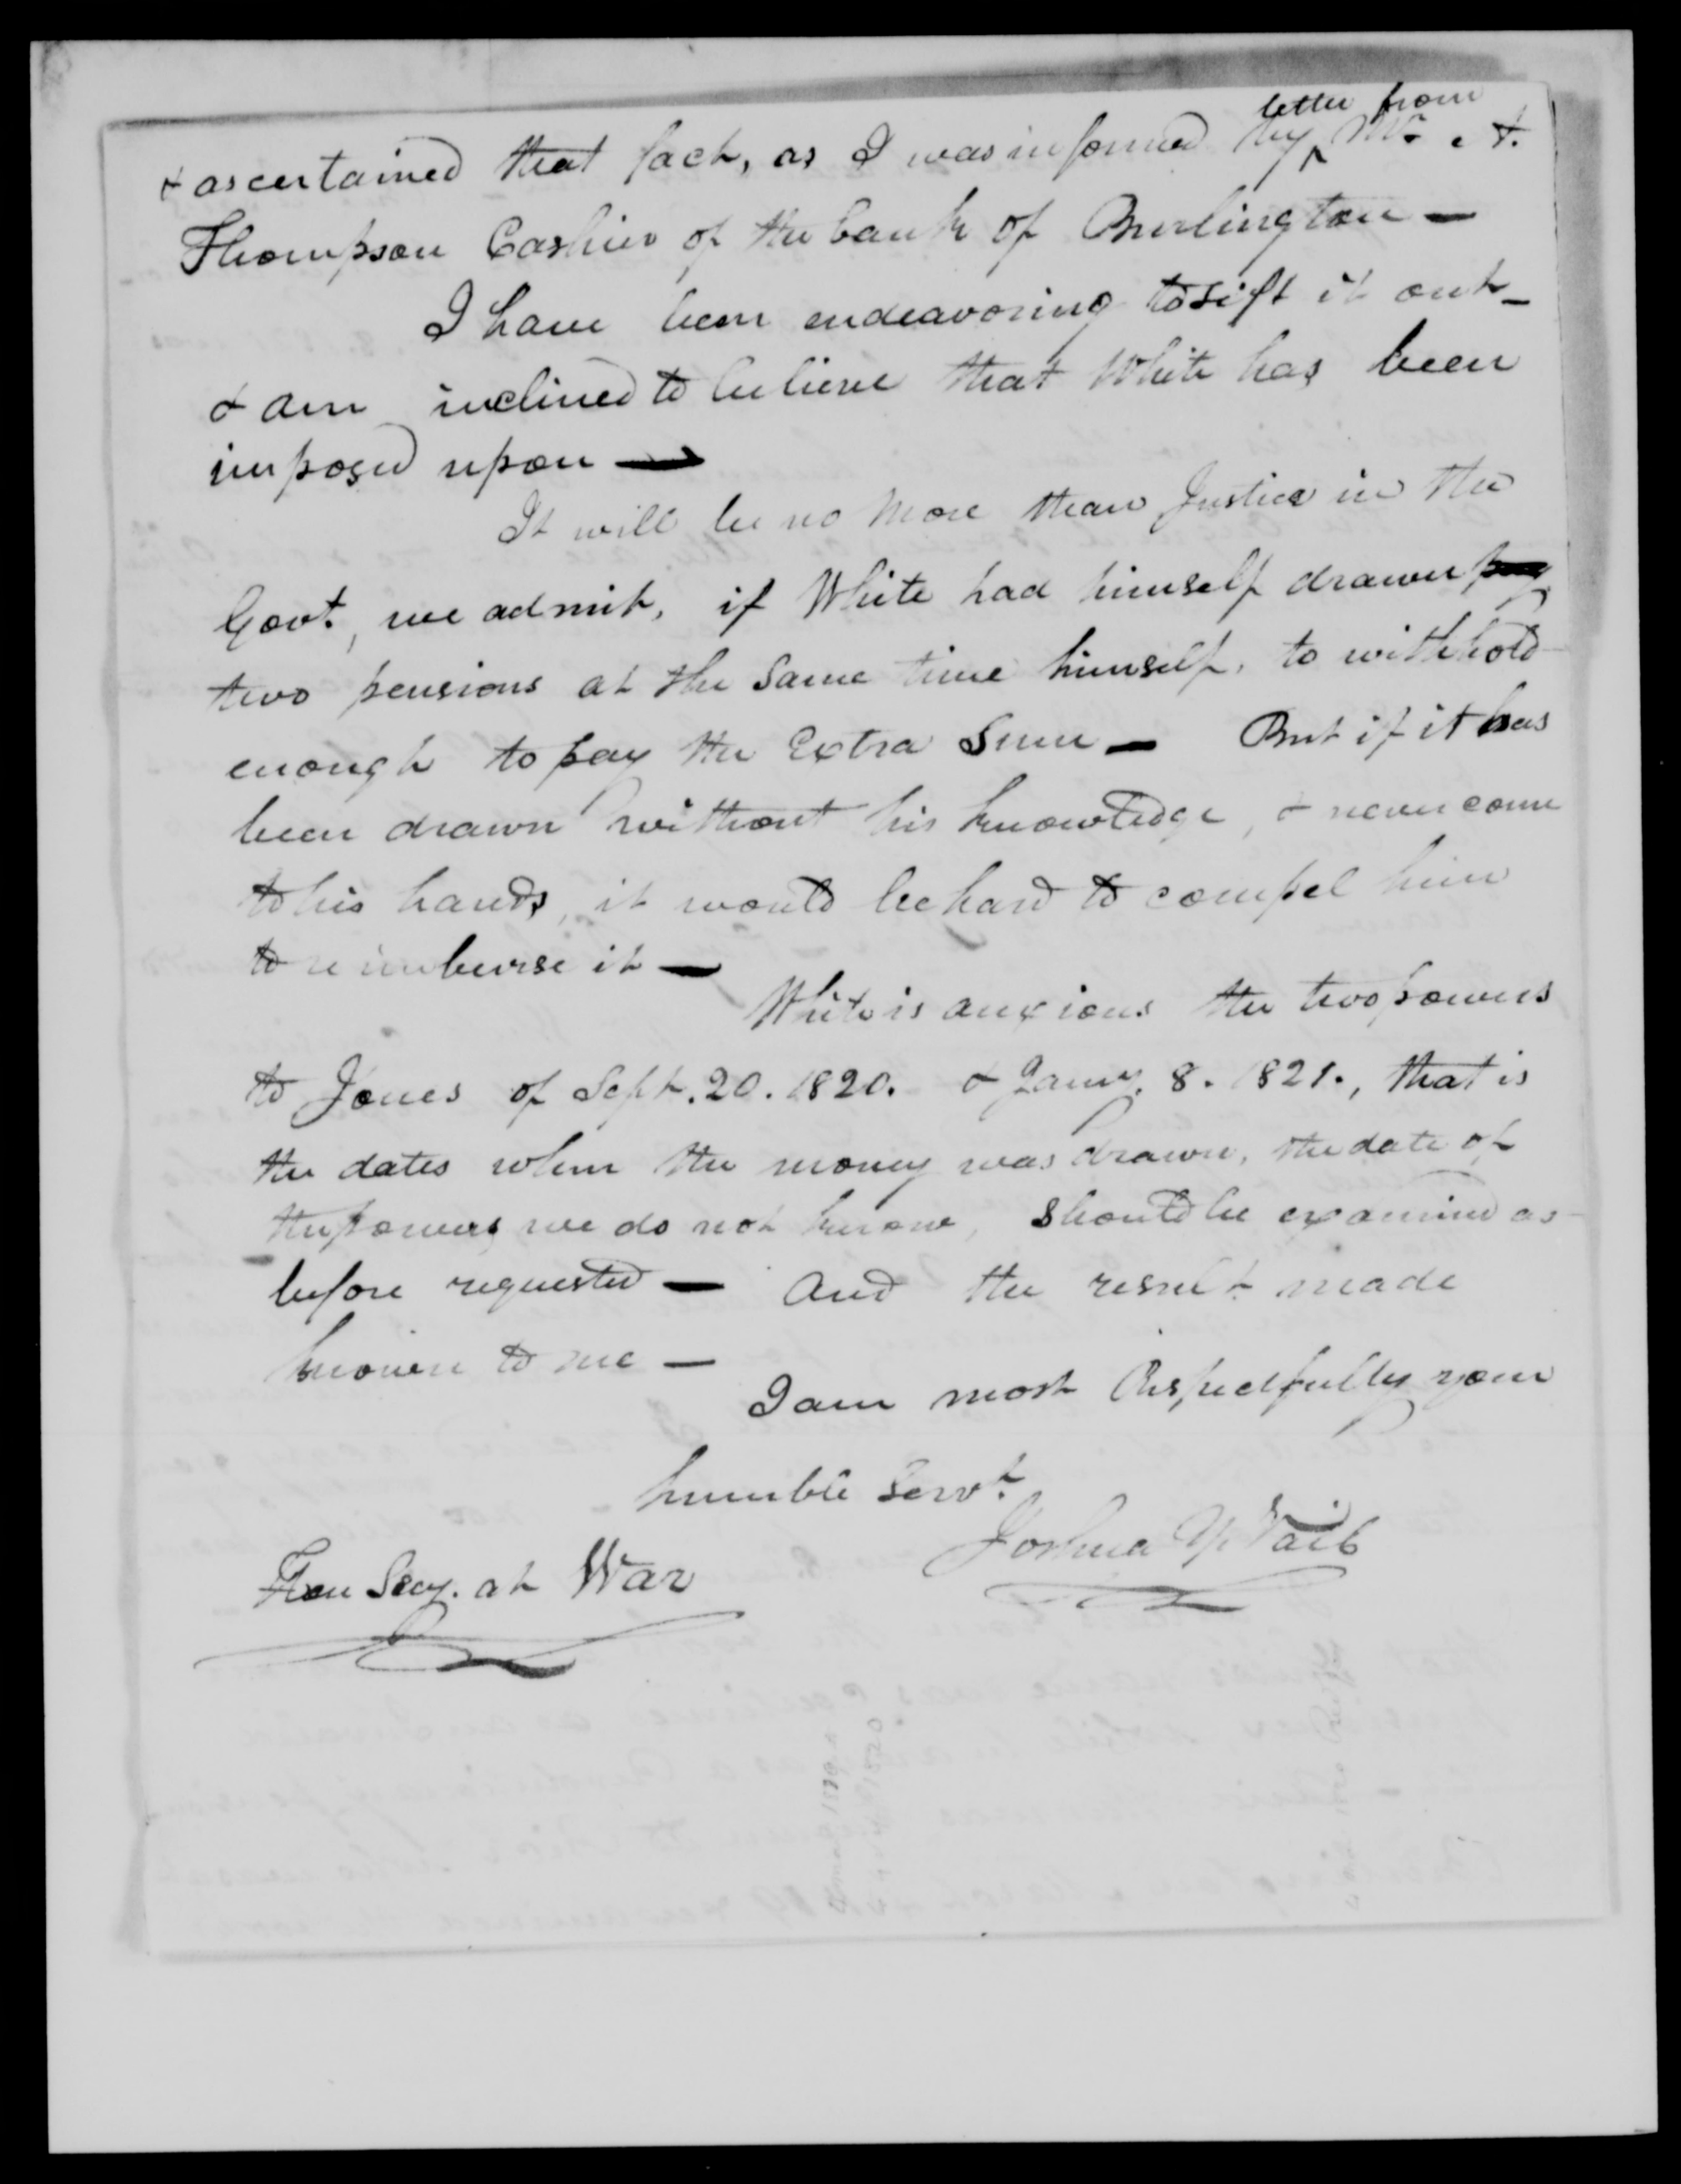& ascertained that fact, as I was informed by ^letter from Mr. A. Thompson Cashier of the bank of Burlington.
I have been endeavoring to lift it out & am inclined to believe that White has been imposed upon.
It will be no more than Justice in the Govt. we admit, if White had himself drawn two pensions at the same time himself, to with hold enough to pay the extra sum-But if it has been drawn without his knowledge & never came to his hands it would be hard to compel him to reimburse it.
White is anxious the two powers to Jones of Sept. 20, 1820 & Jany. 8 1821 that is the dates when the money was drawn, the date of the powers we do not know Should be examined as before requested, and the result made known to me.
I am most Respectfully your humble servt.
Joshua Y. Vail

Hon. Secy at War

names: White, Joshua Y Nail, Jones, Thompson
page: 44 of 79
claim: survivor's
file: S. 11759, Samuel White, Mass.